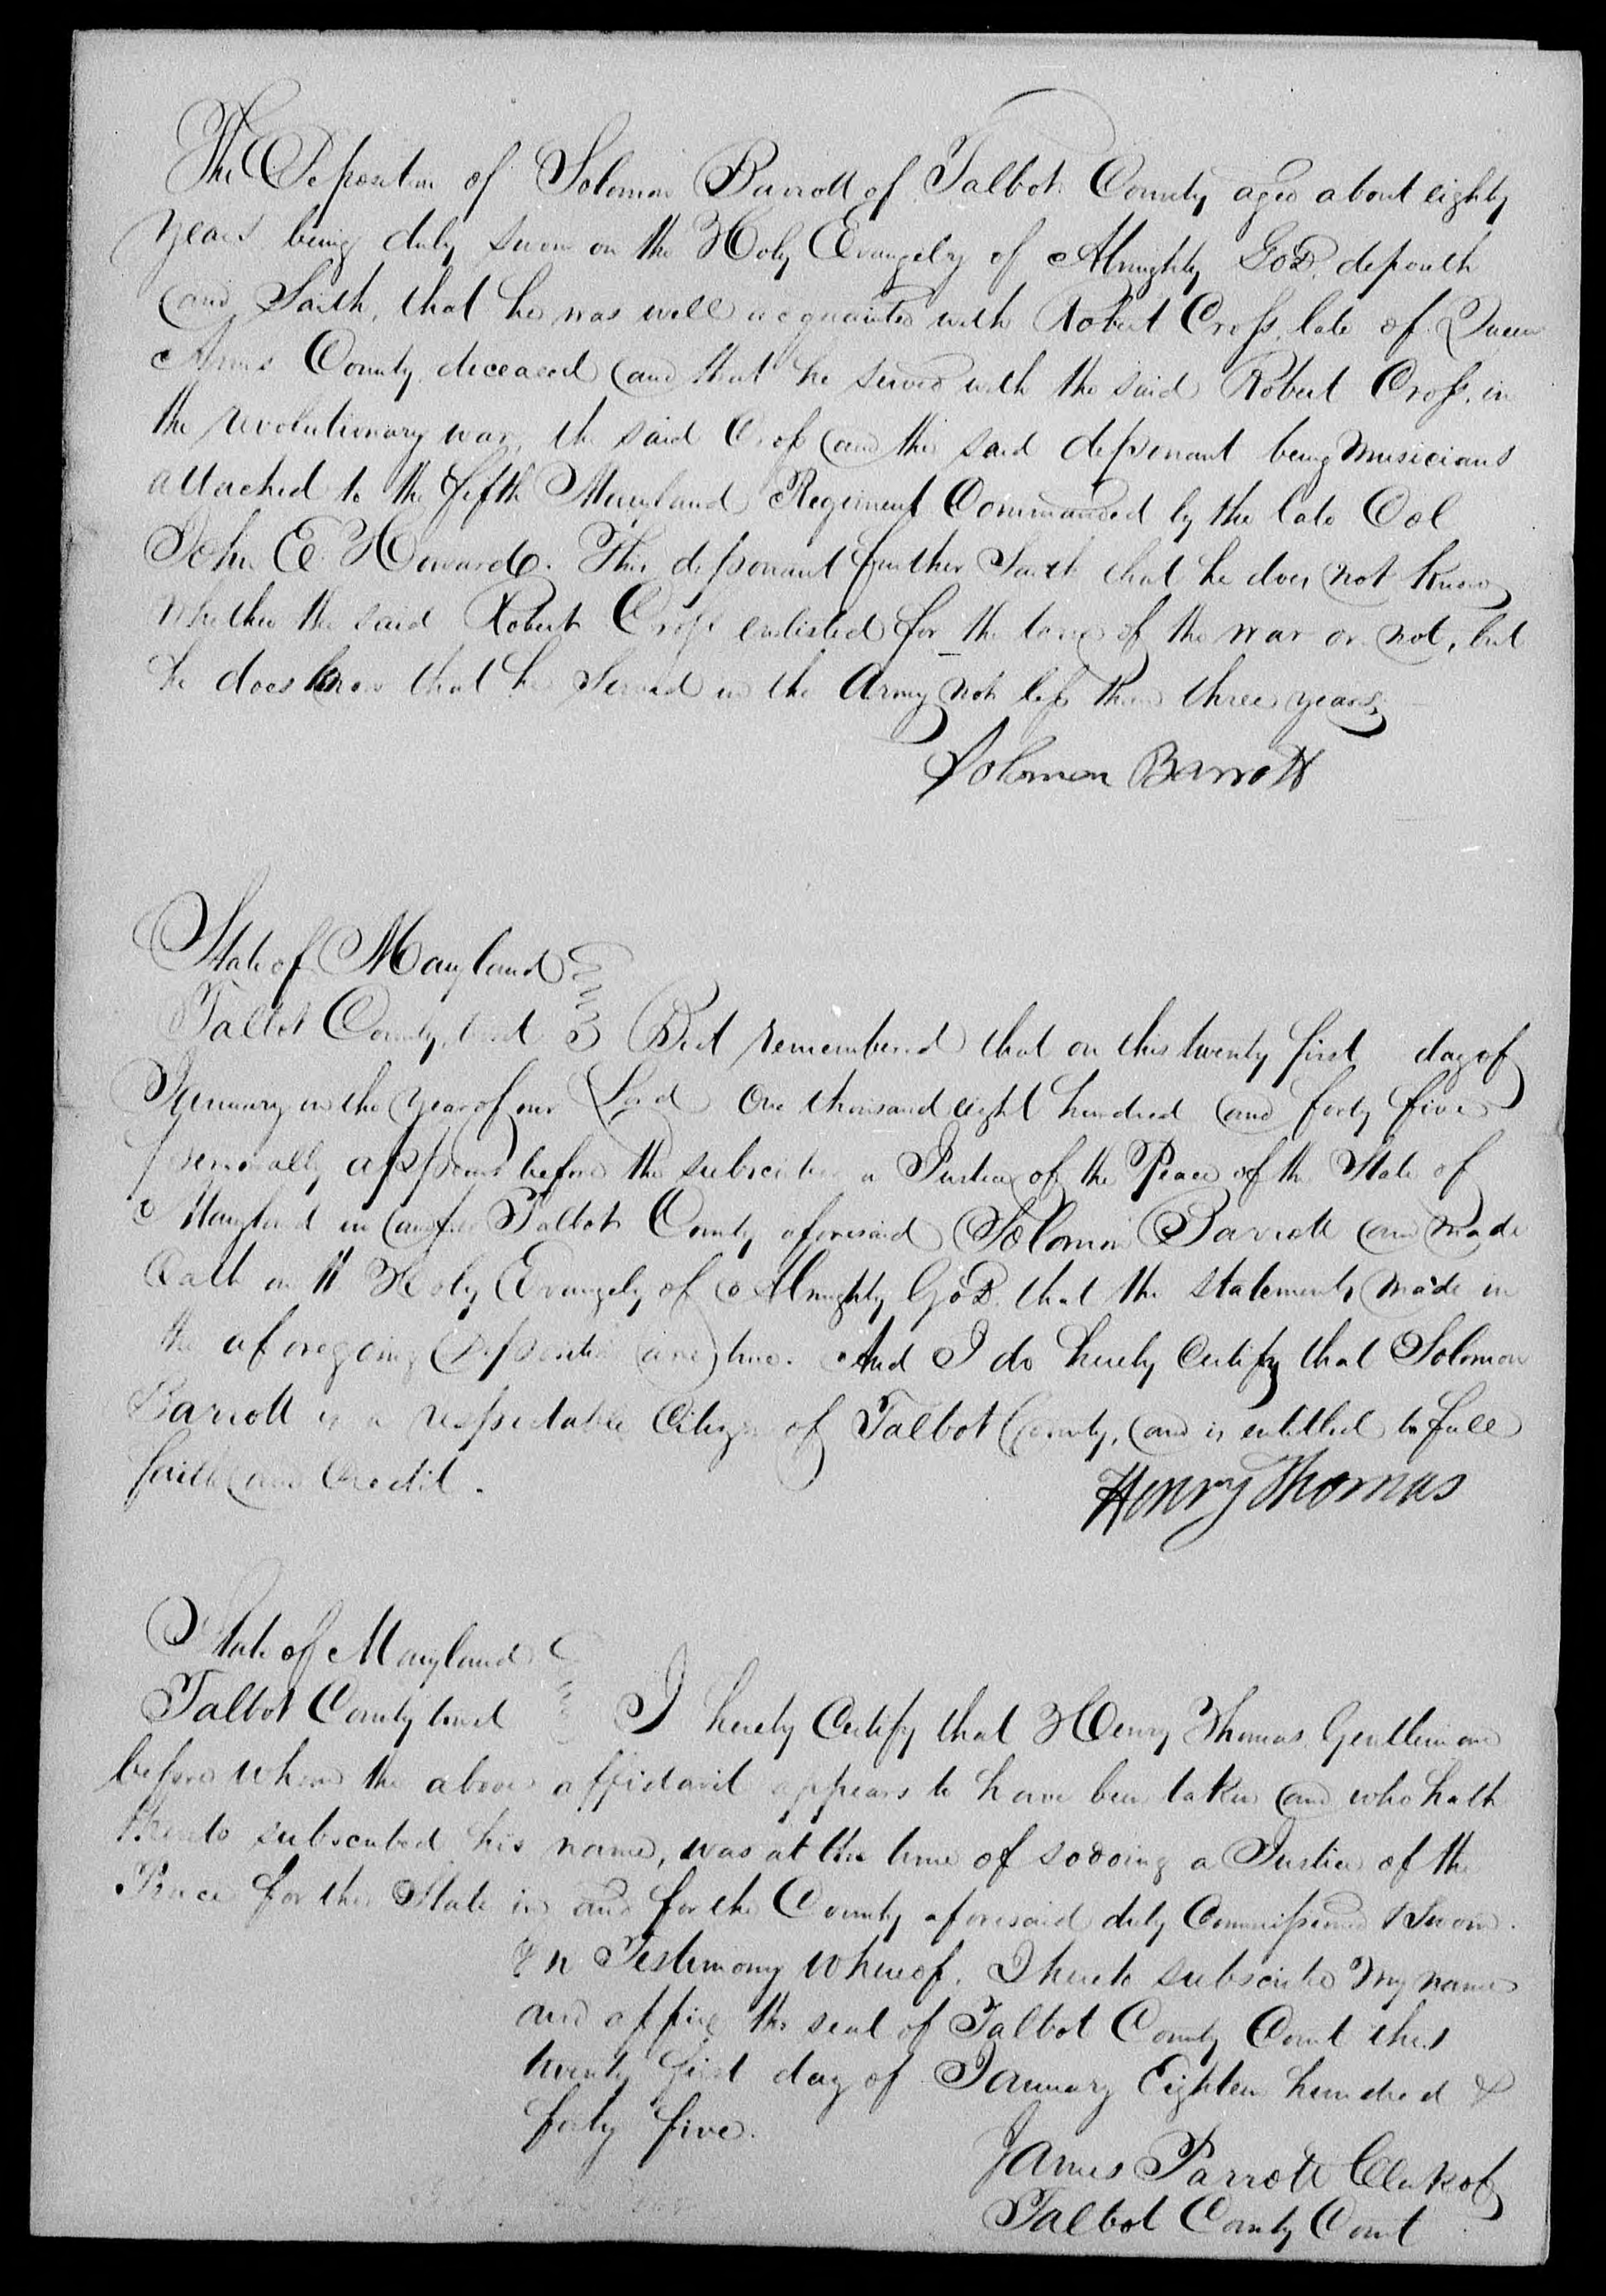The Deposition of Solomon Barrott of Talbot County aged about eighty years being duly sworn on the Holy Evangely of Almighty God, deponth and saith, that he was well acquainted with Robert Cross, late of Queen Anne's County, deceased and that he served with the said Robert Cross in the revolutionary war, the said Cross and the said defendant being musicians attached to the fifth Maryland Regiment Commanded by the late Col John E. Howard. This deponent further saith that he does not know whether the said Robert Cross enlisted for the love of the war or not, but he does know that he served in the army not less than three years.
Solomon Barrott

State of Maryland     }
Talbot County Court } Best remembered that on this twenty first day of January in the year of our Lord one thousand eight hundred and forty five personally appears before the subscriber a Parlia of the Peace of the State of Maryland in and for Talbot County aforesaid Solomon Barrott and made in oath with Holy Evangely of Almighty God that the statements made in the aforegoing deposition are here. And I do hereby certify that Solomon Barrott is a respectable citizen of Talbot County, and is entitled to full faith and credit.

State of Maryland      }
Talbot Country Court } I hereby certify that Henry Thomas, gentleman before whom the above affidavit appears to have been taken and who hath thereto subscribed his name, was at the time of so doing a Justice of the Peace for the State in and for the County aforesaid duly commissioned + sworn. In testimony whereof, thereto subscribe my name and affix the seal of Talbot County Court this twenty first day of January Eighteen hundred & forty five.
James Parrott Clack of
Talbot County Court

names: Henry Thomas, James Parrott, Solomon Barrott, Robert Cross, Cross, Solomon Barrott, Solomon Barrott, Robert Cross, Solomon Barrott, Robert Cross, John E Howard, Henry Thomas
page: 19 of 26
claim: widow's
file: W 25651, Robert Cross, Md.